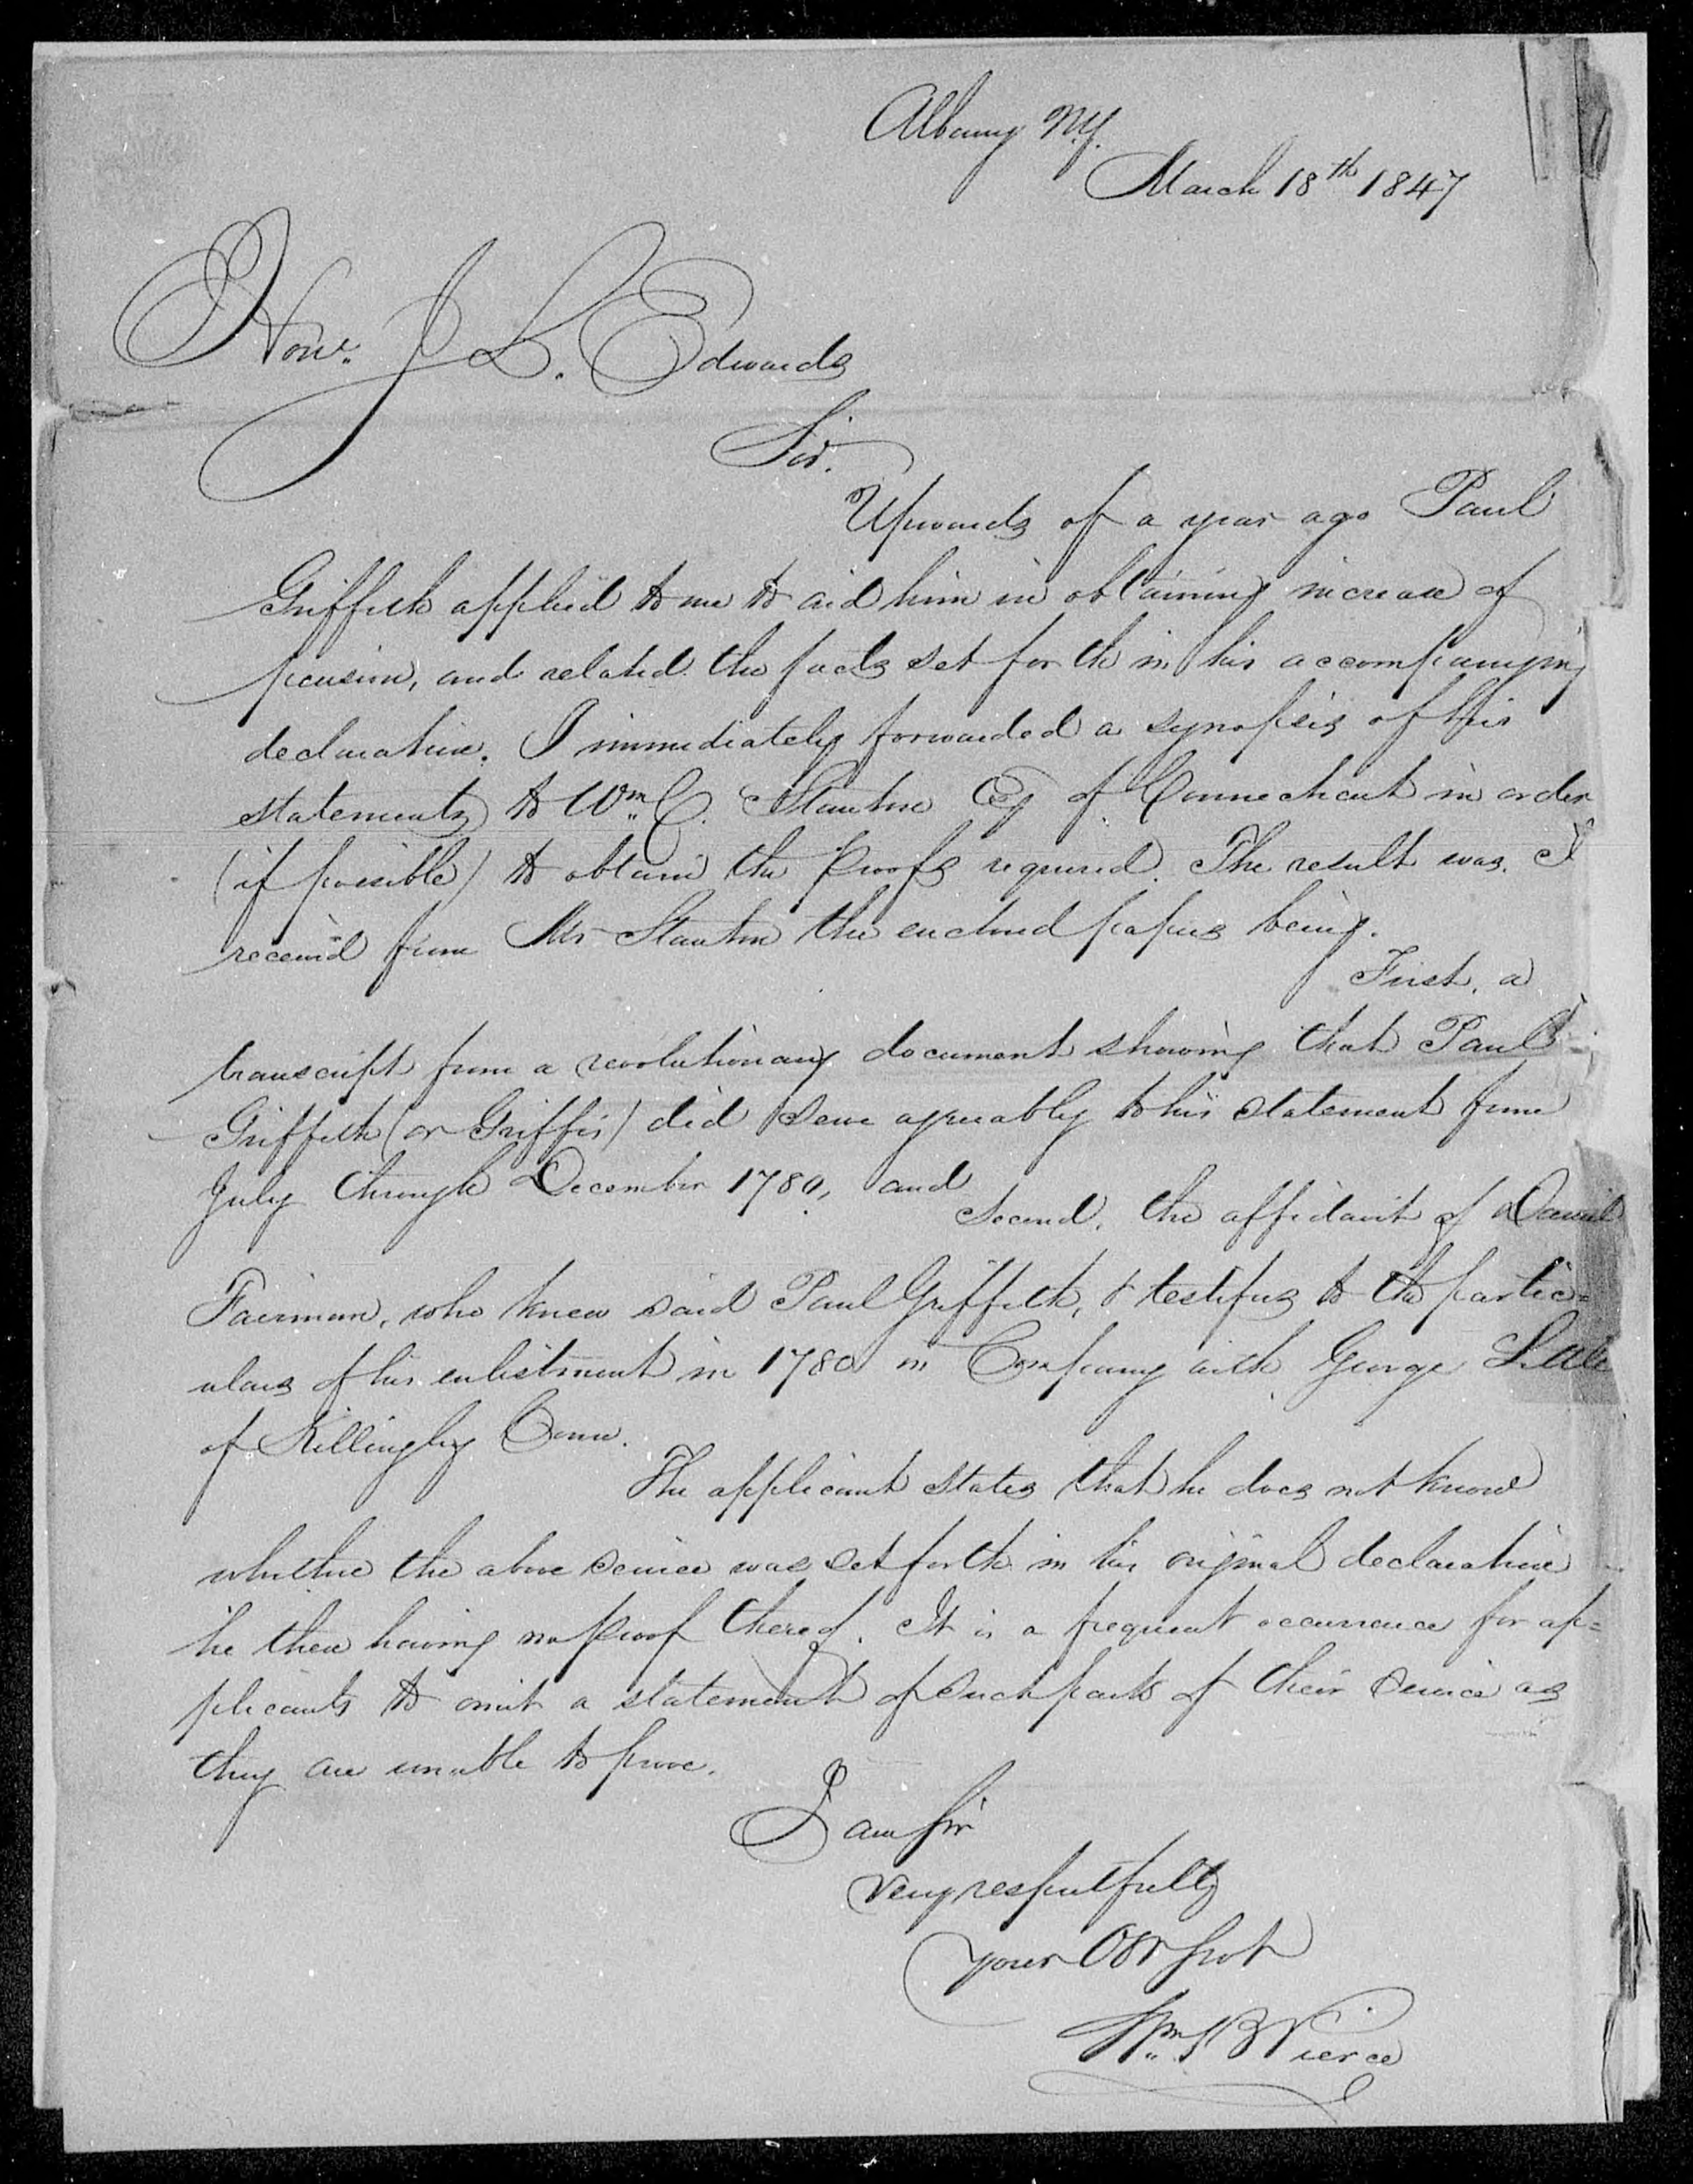Albany N. Y.
March 18th 1847
Hon. J. L. Edwards
Sir,
Upwards of a year ago Paul
Griffith applied to me paid him in obtaining increase of
pension, and related the facts set forth in his accompanying
declaration. I immediately forwarded a synopsis of his
statements to Wm C. Stanton of Connecticut in order
(if possible) to obtain the proofs required. The result was I
received from Mr. Stanton the enclosed papers being
First, a
transcript from a revolutionary document showing that Paul
Griffith (or Giffis) did serve agreeably to his statement from
July through December 1780, and
Second, the affidavit of Daniel 
Fairman, who knew said Paul Griffith, & testifies to the 
particulars of his enlistment in 1780
in Company with George Little
of Killingly Conn.
The applicant states that he does not know
whether the above service was set forth in his original declaration
he then having no proof thereof. It is a frequent occurrence for 
applicants to omit a statement of such parts of their service as
they are unable to prove.
I am Sir
very respectfully
your Obt. Svt.
Wm. B. Pierce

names: Paul Griffith, Paul Griffith, Paul Griffith, J L Edwards, Wm B Pierce, Daniel Fairman, Paul Griffis, Wm C Stanton, Stanton, George Little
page: 48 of 61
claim: survivor's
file: S. 22798, Paul Griffiths, R.I.